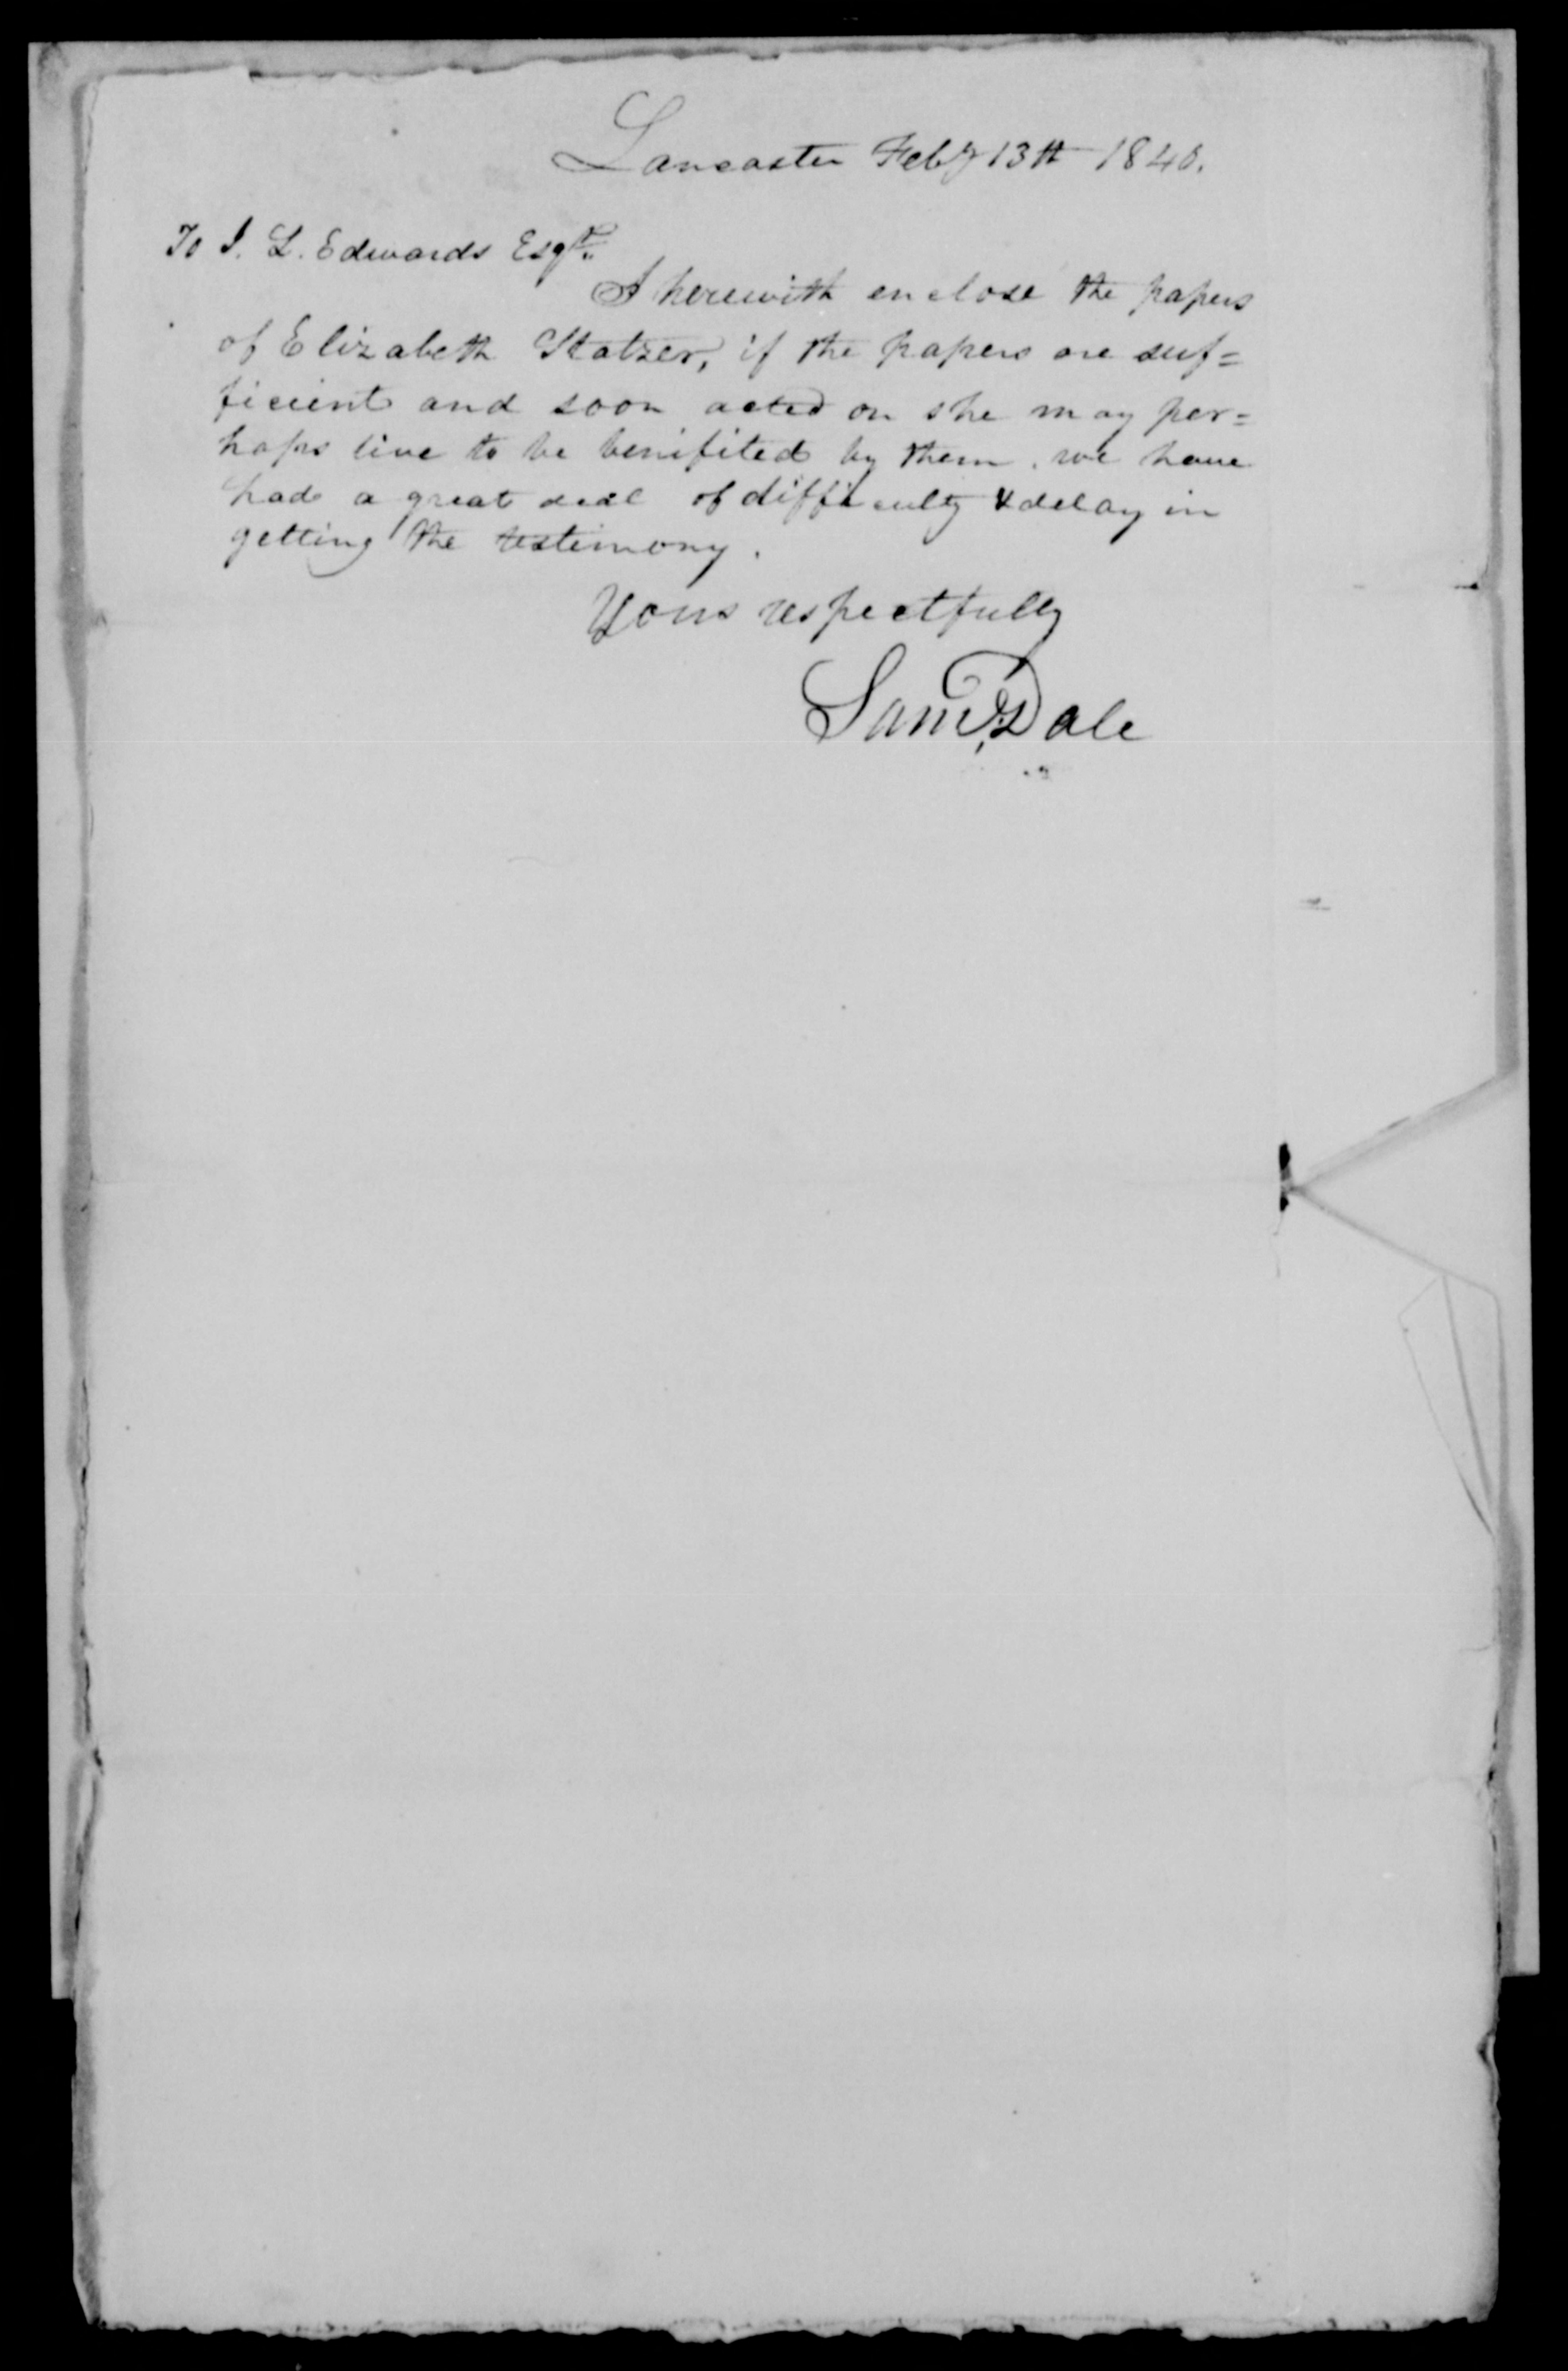Lancaster, February 13th 1840.
J. L. Edwards, Esquire
I herewith enclose the papers of Elizabeth Statzer, if the papers are sufficient and soon acted on, she may perhaps live to be benefited by them. We have had a great deal of difficulty and delay in getting the testimony.
Yours respectfully,
Saml. Dale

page: 23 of 28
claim: widow's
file: W. 3163, for David Statser, Pennsylvania